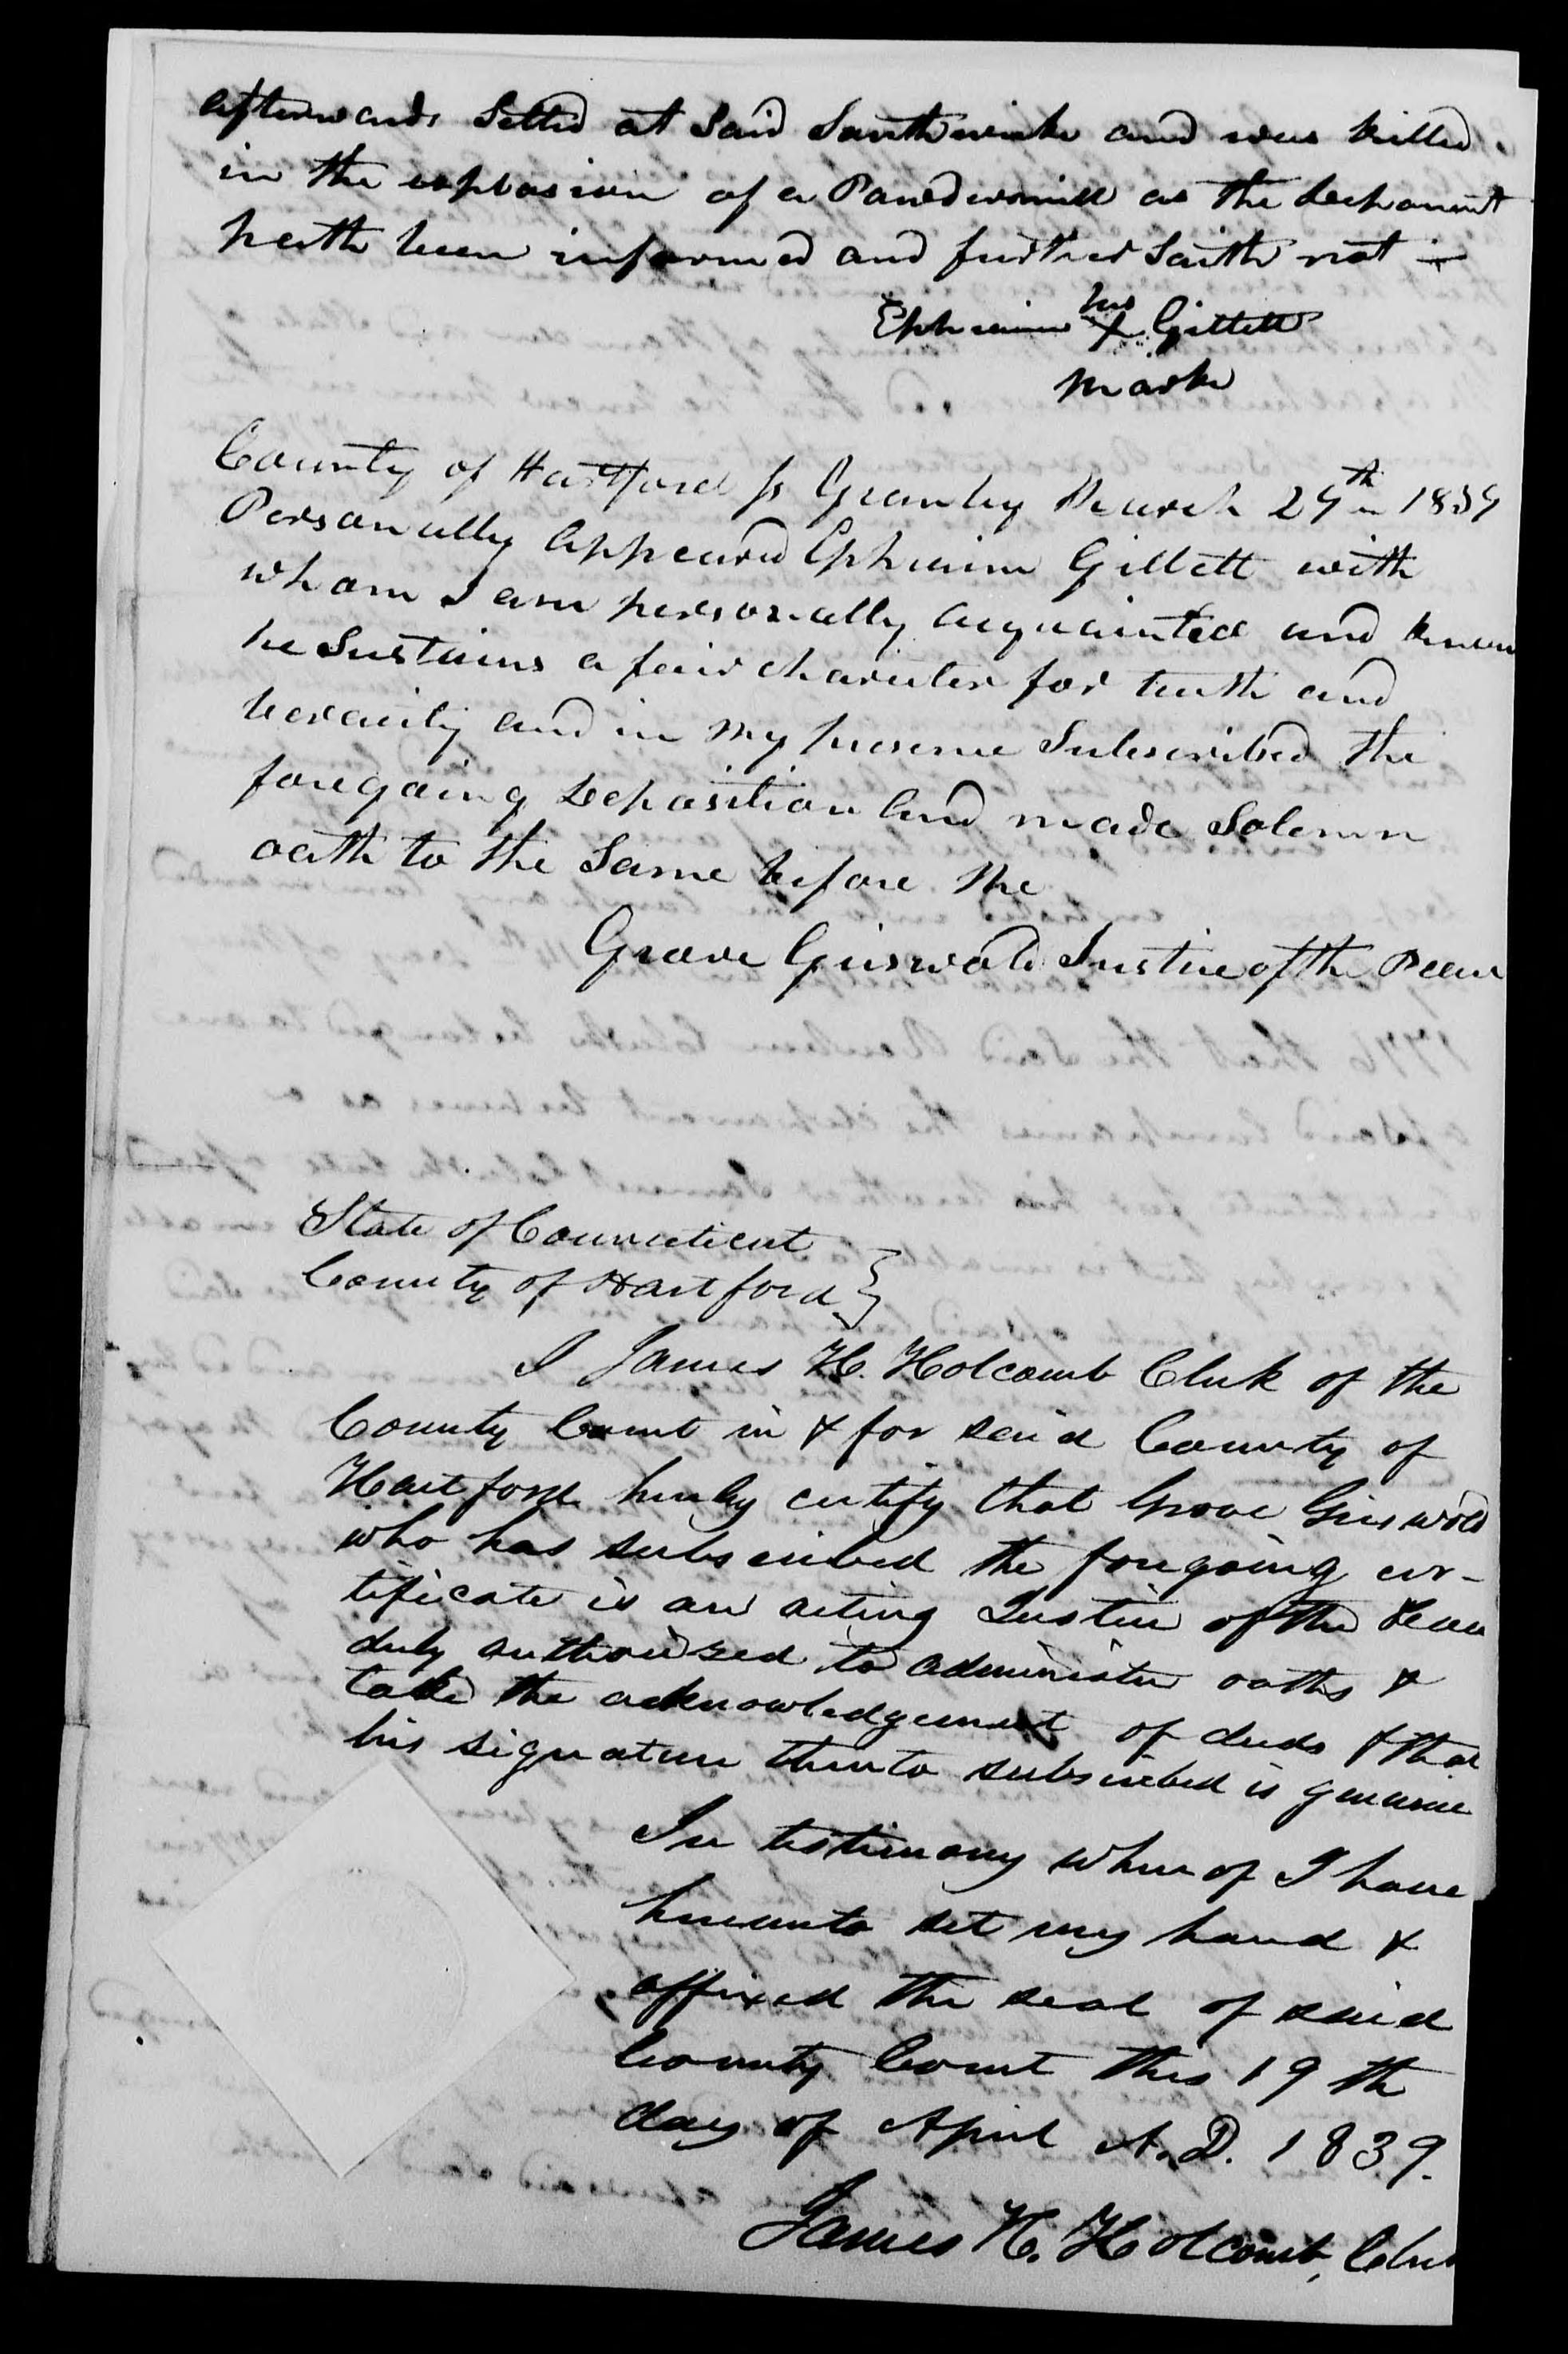[handwritten]
afterwards Settled at Said Southwick and was killed in the explosion of a Powder mill as the deponent hath been informed and further Saith not –
[signed] Ephraim Gillett his X Mark

County of Hartford ss Granby March 29th  1839
Personally appeared Ephraim Gillett with whom I am personally acquainted and now he Sustains a fair character for truth and veracity and in my presence Subscribed the foregoing Deposition and mad Solemn oath to the Same before me.
[signed] Grove Griswold Justice of the Peace

State of Connecticut}
County of Hartford}
I James H Holcomb Clerk of the County Court in & for Said County of Hartford hereby certify that Grove Griswold who has Subscribed the foregoing certificate is an acting Justice of the Peace duly authorized to administer oaths & take the acknowledgement of deeds & that his signature thereto subscribed is genuine,

In testimony whereof I have hereunto set my hand & affixed the seal of Said County Court this 19th day of April A.D. 1839
[signed] James H. Holcomb, Clerk 
[slip of paper attached to the left, illegible print]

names: Ephraim Gillett, Ephraim Gillett, James H Holcomb, Grove Griswold, James H Holcomb, Grove Griswold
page: 25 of 26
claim: widow's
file: W. 14483, Reuben Clark, Conn.